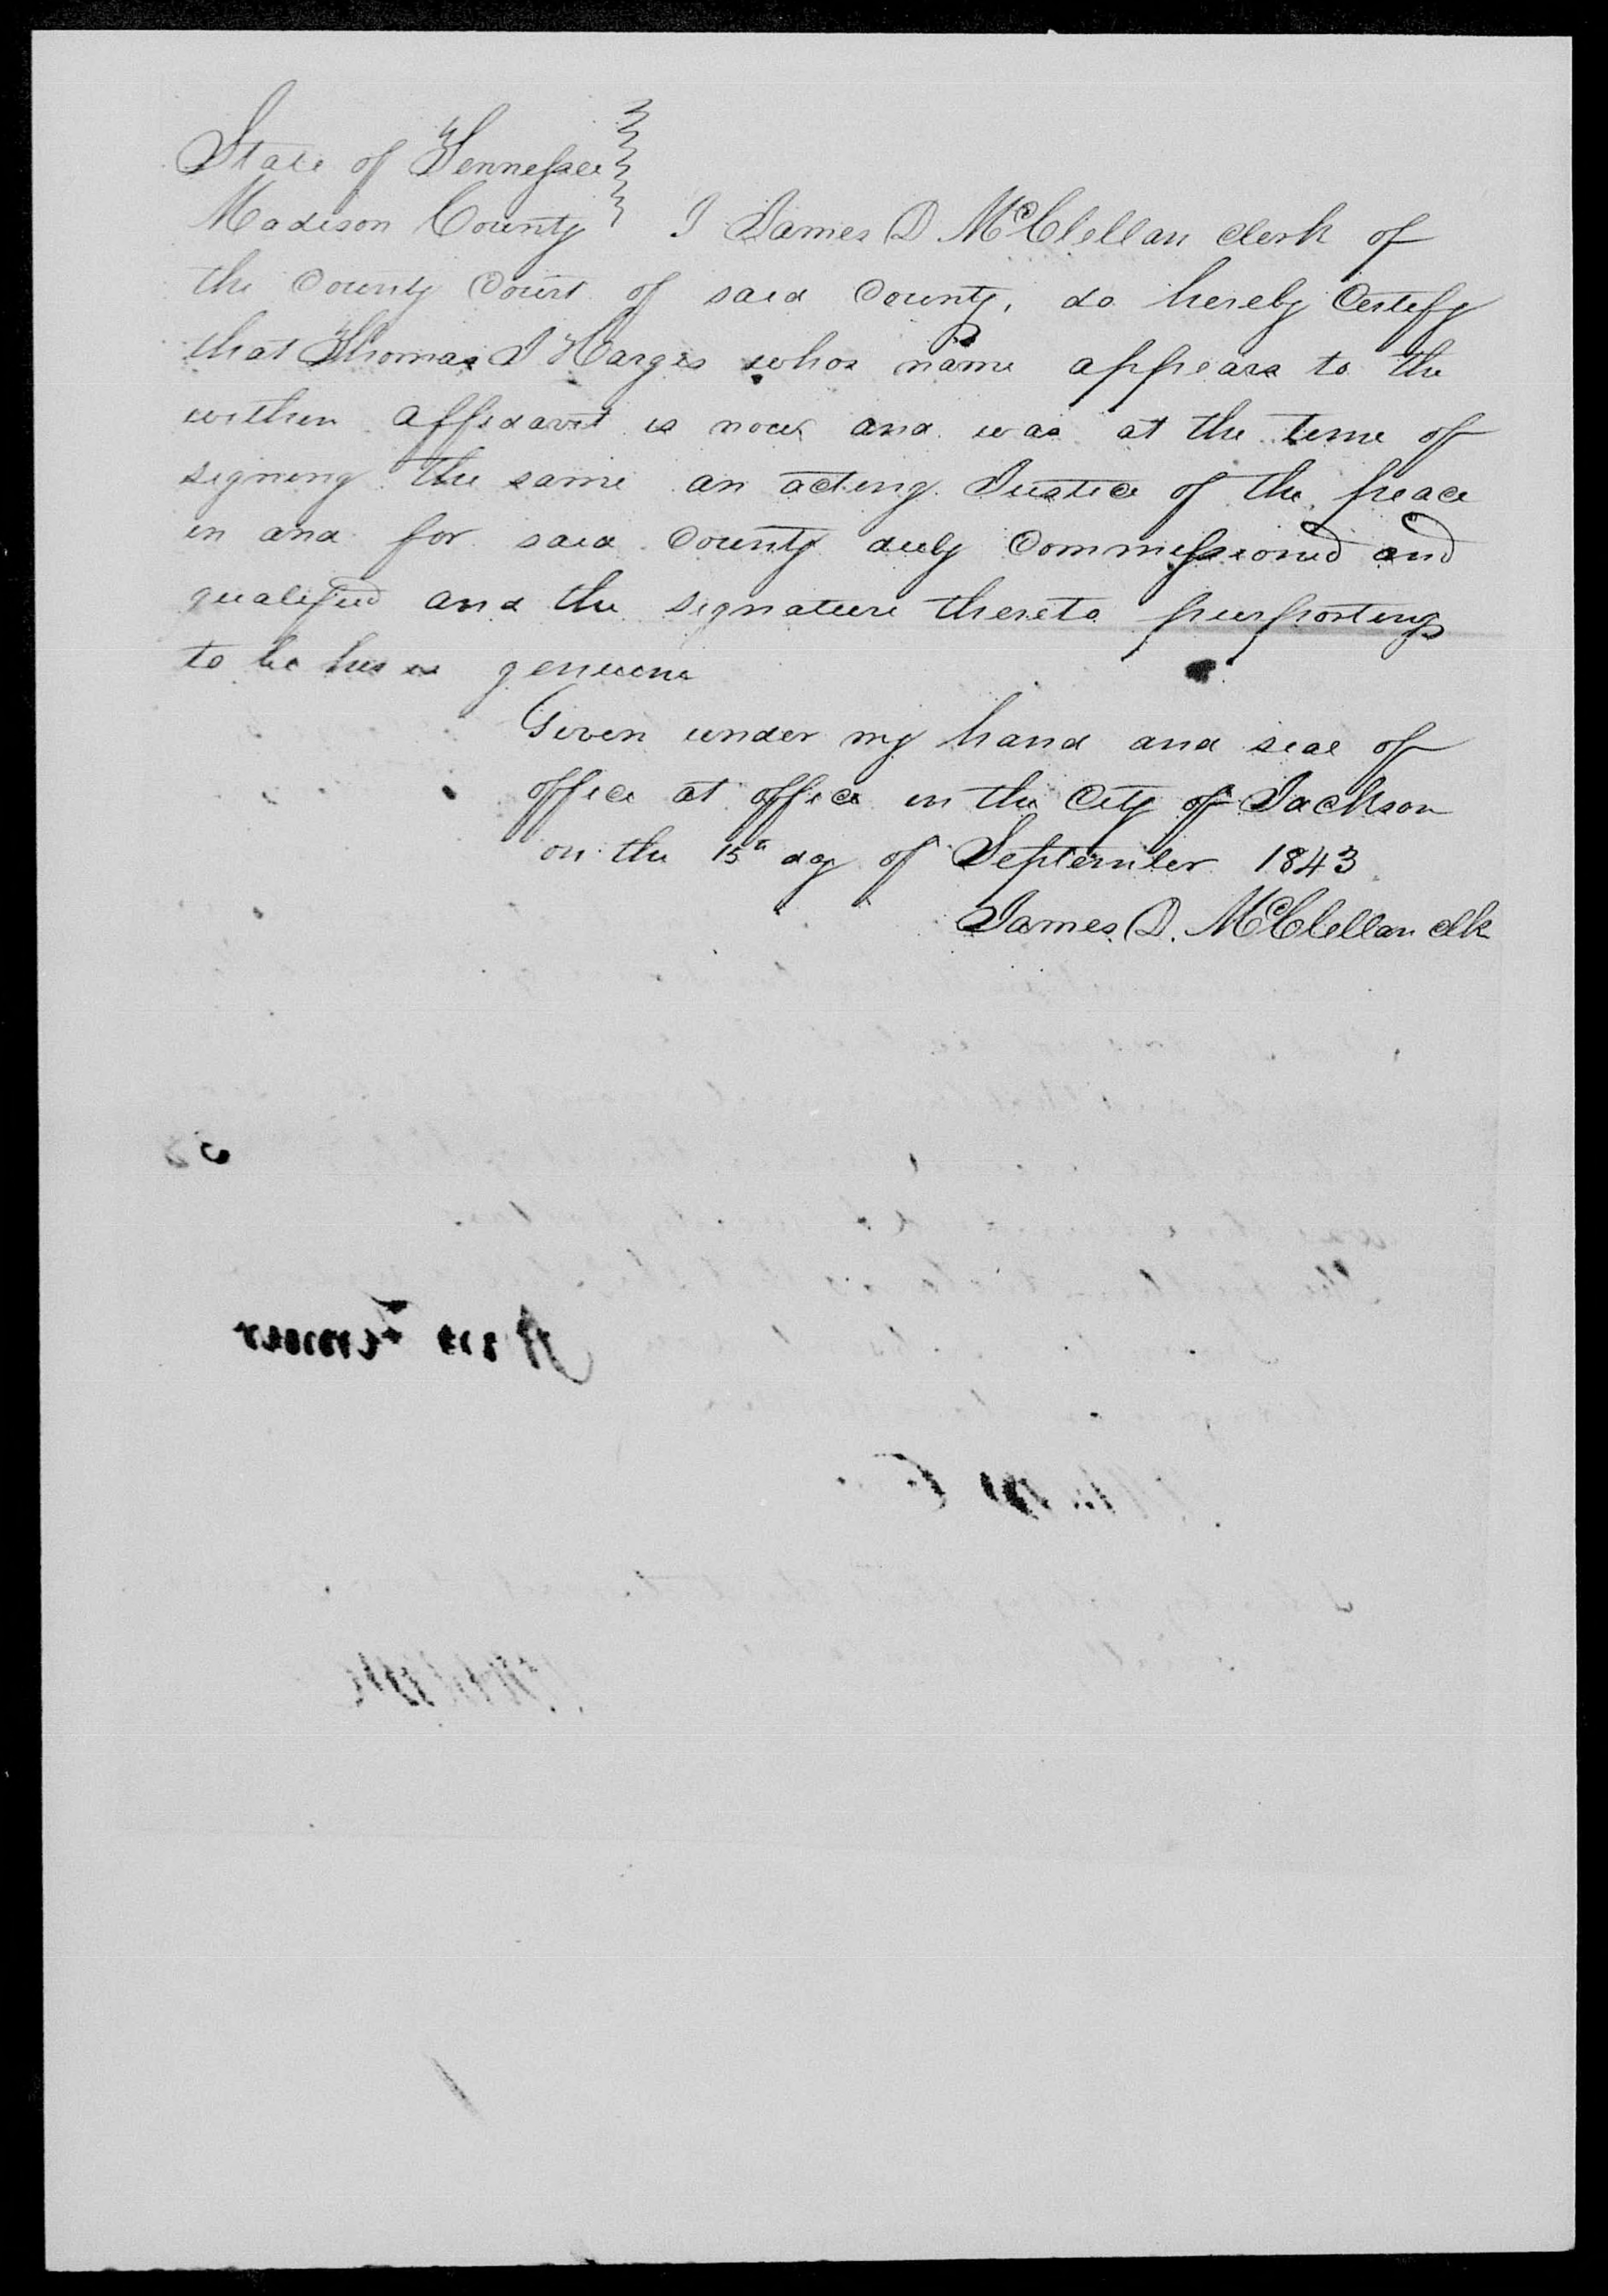State of Tennessee
Madison County 

I James D McClellan clerk of the county court of said county, do hereby certify that Thomas A. Hargis whose name appears to the written affidavit is now and was at the time of signing the same an acting Justice of the peace in and for said county duly commissioned and qualified and the signature thereto purporting to be his is genuine

Given under my hand and seal of office at office in the City of Jackson on the 15th day of September 1843

James D. McClellan clk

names: James D Mc Clellan, James D Mc Clellan, Thomas J Hargis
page: 32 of 39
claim: widow's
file: W. 789, Richard Fenner, N.C.